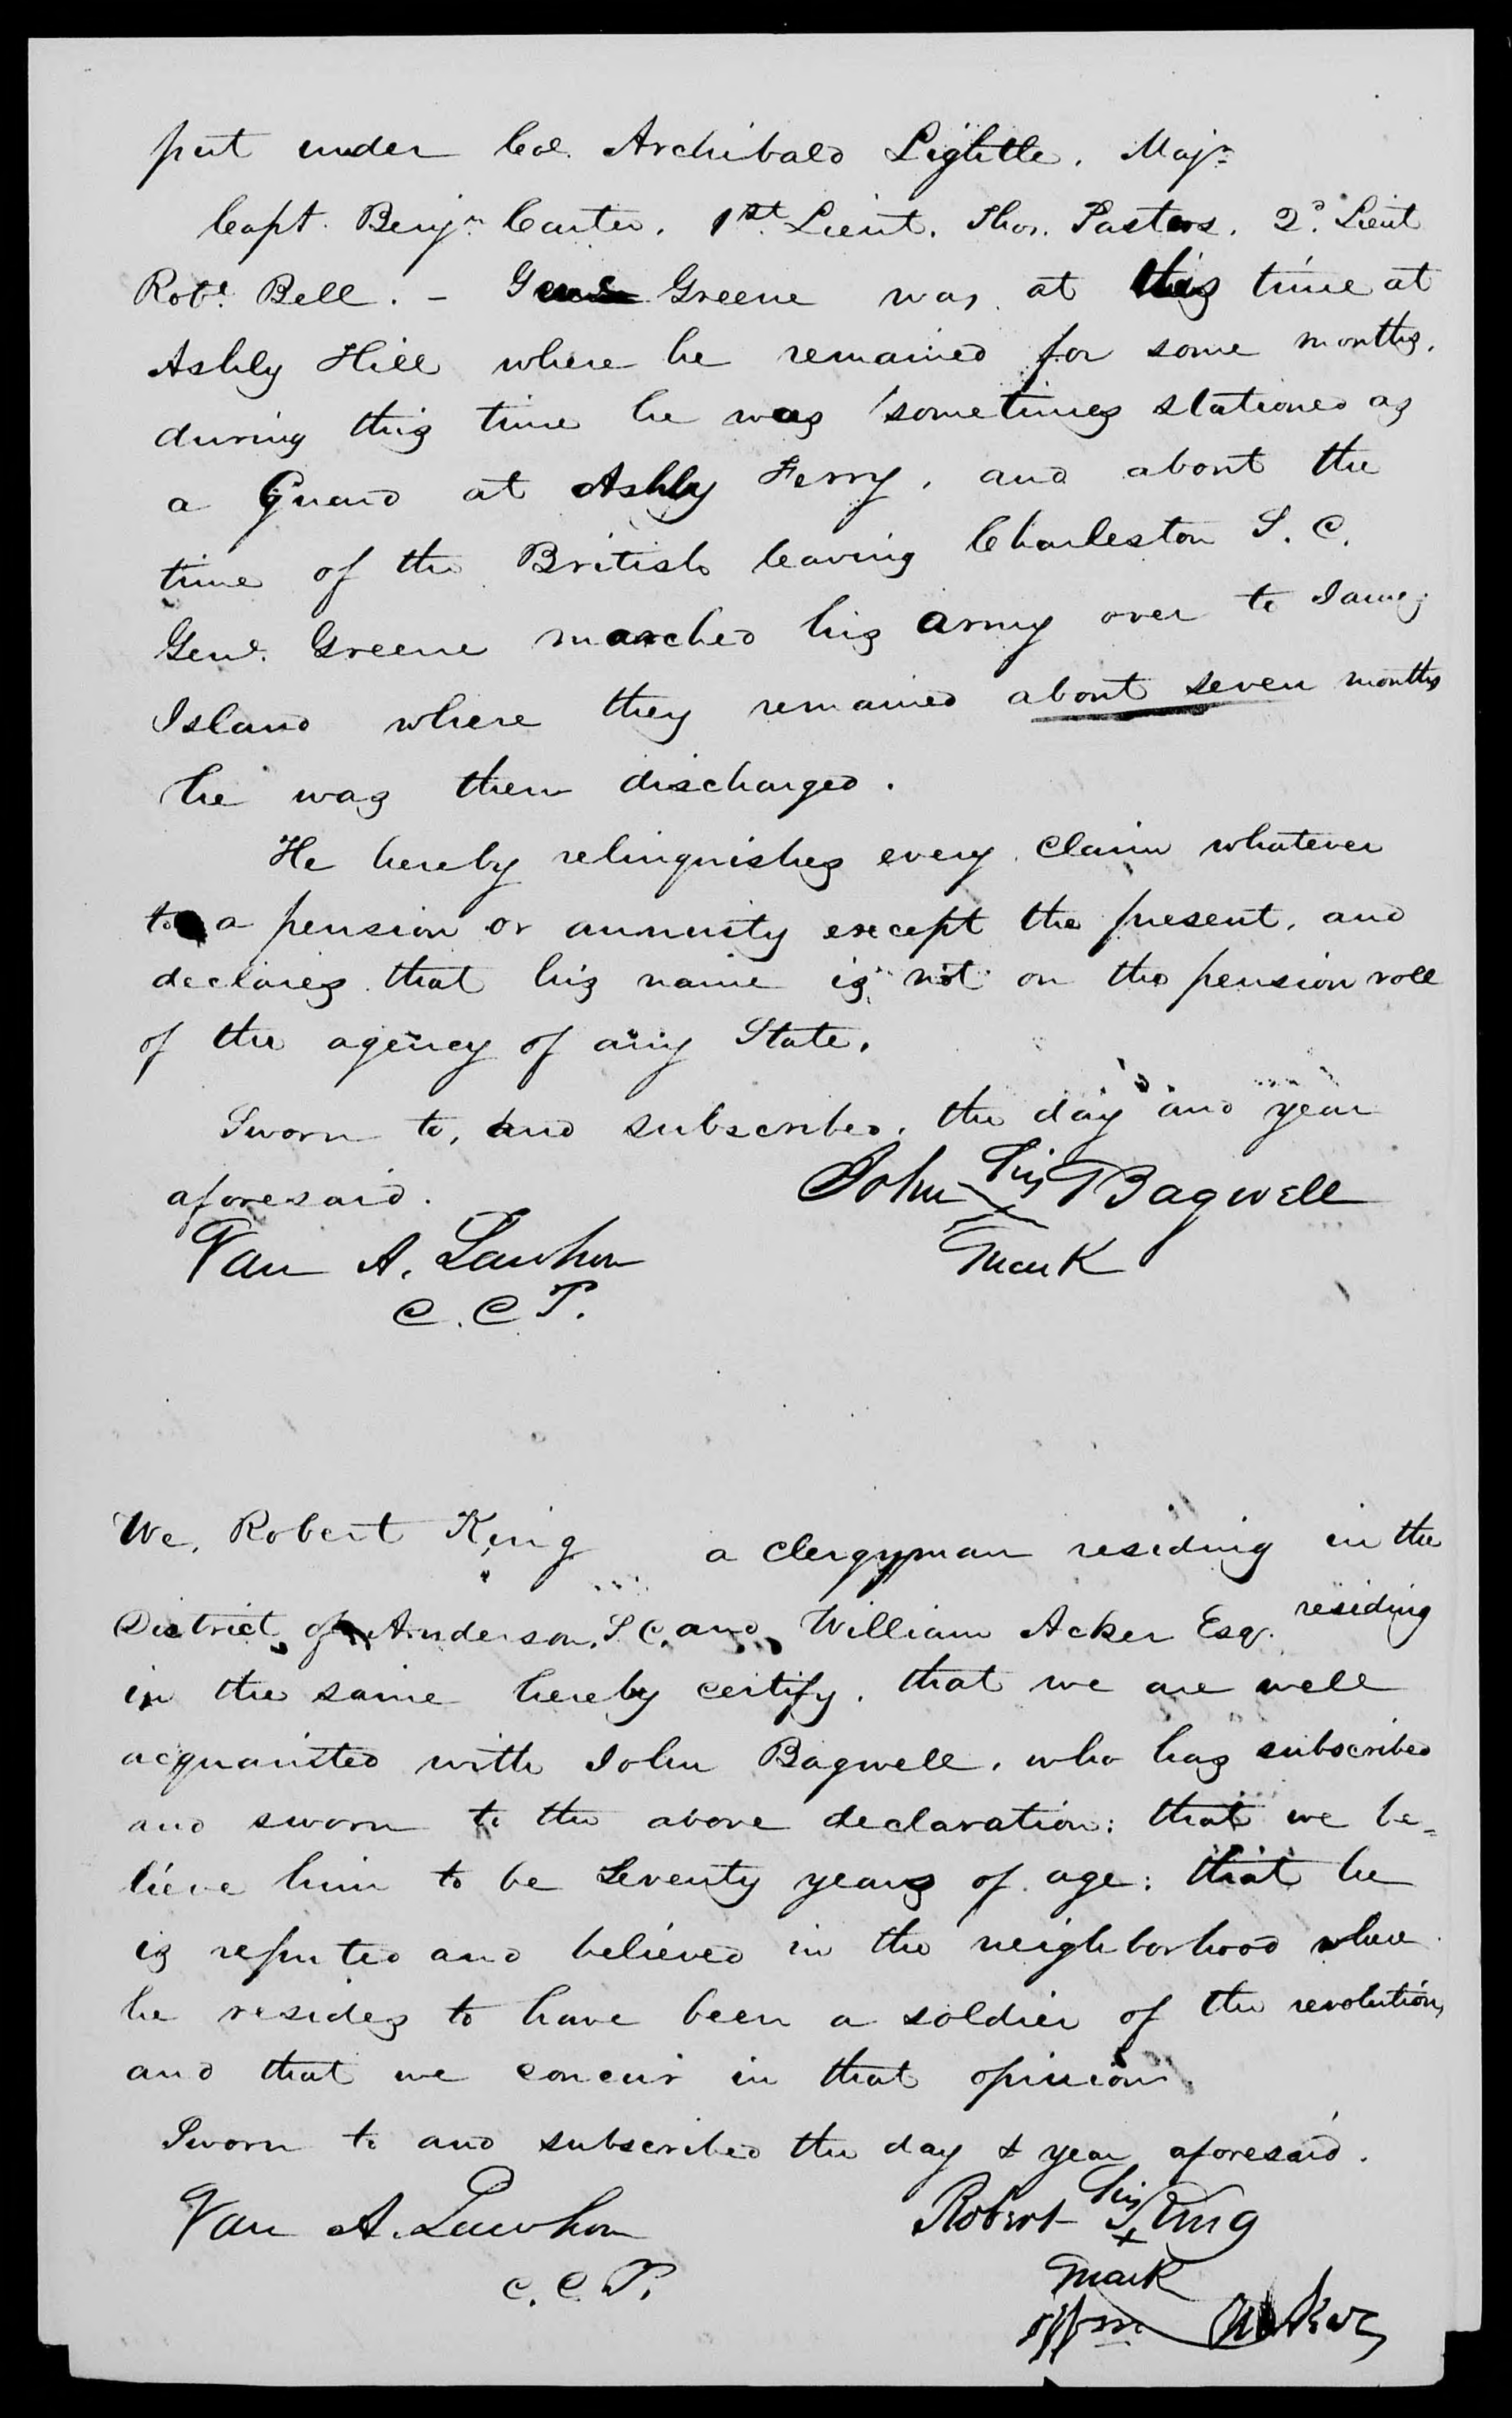put under Col. Archibald Lightle, Maj
Capt. Benj Carter, 1st Lieut. Thos. Pasters, 2nd Lieut
Robt Bell -
Genl Greene was at this time at
Ashley Hill where he remained for some
months
during
this time he was sometimes stationed as a
guard at Ashly Ferry, and about the
time of the British leaving

Charleston S.C.
Genl Greene
marched
his army over
to [  ]
Island where
they remained about seven months he

was then discharged.
He hereby relinquishes every claim whatever
to a pension or annuity except the present,
declares that his name is not on the pension roll
of the agency of any State.
Sworn to and subscribed,


the day and year aforesaid
John
Van A. Lawhon CCT
X John Bagwell his mark

.
We. Robert King
a Clergyman residing
in the
District of Anderson S Caro, William Acker Esq.
residing
in the same hereby certify
that we are well
acquainted with John Bagwell, who has subscribed
and sworn to the above declaration; that we believe him to be seventy years of age; that he
is [  ] and believed in the neighborhood where
he resides to have been a soldier of the revolution
and that we concur in that opinion
Sworn to and subscribed the day & year aforesaid
Van A. Lawhon CCT
X Robert King his
mark
Wm Akers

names: William Acker, Van A Lawhon, Archibald Lightle, John Bagwell, John Bagwell, Robert King, Robert King, Greene, Greene, Wm Acker, Robt Bell, Thos Pasters, Benjn Carter, Van A Lawhon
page: 4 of 36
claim: survivor's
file: S 6571, John Bagwell, N.C.